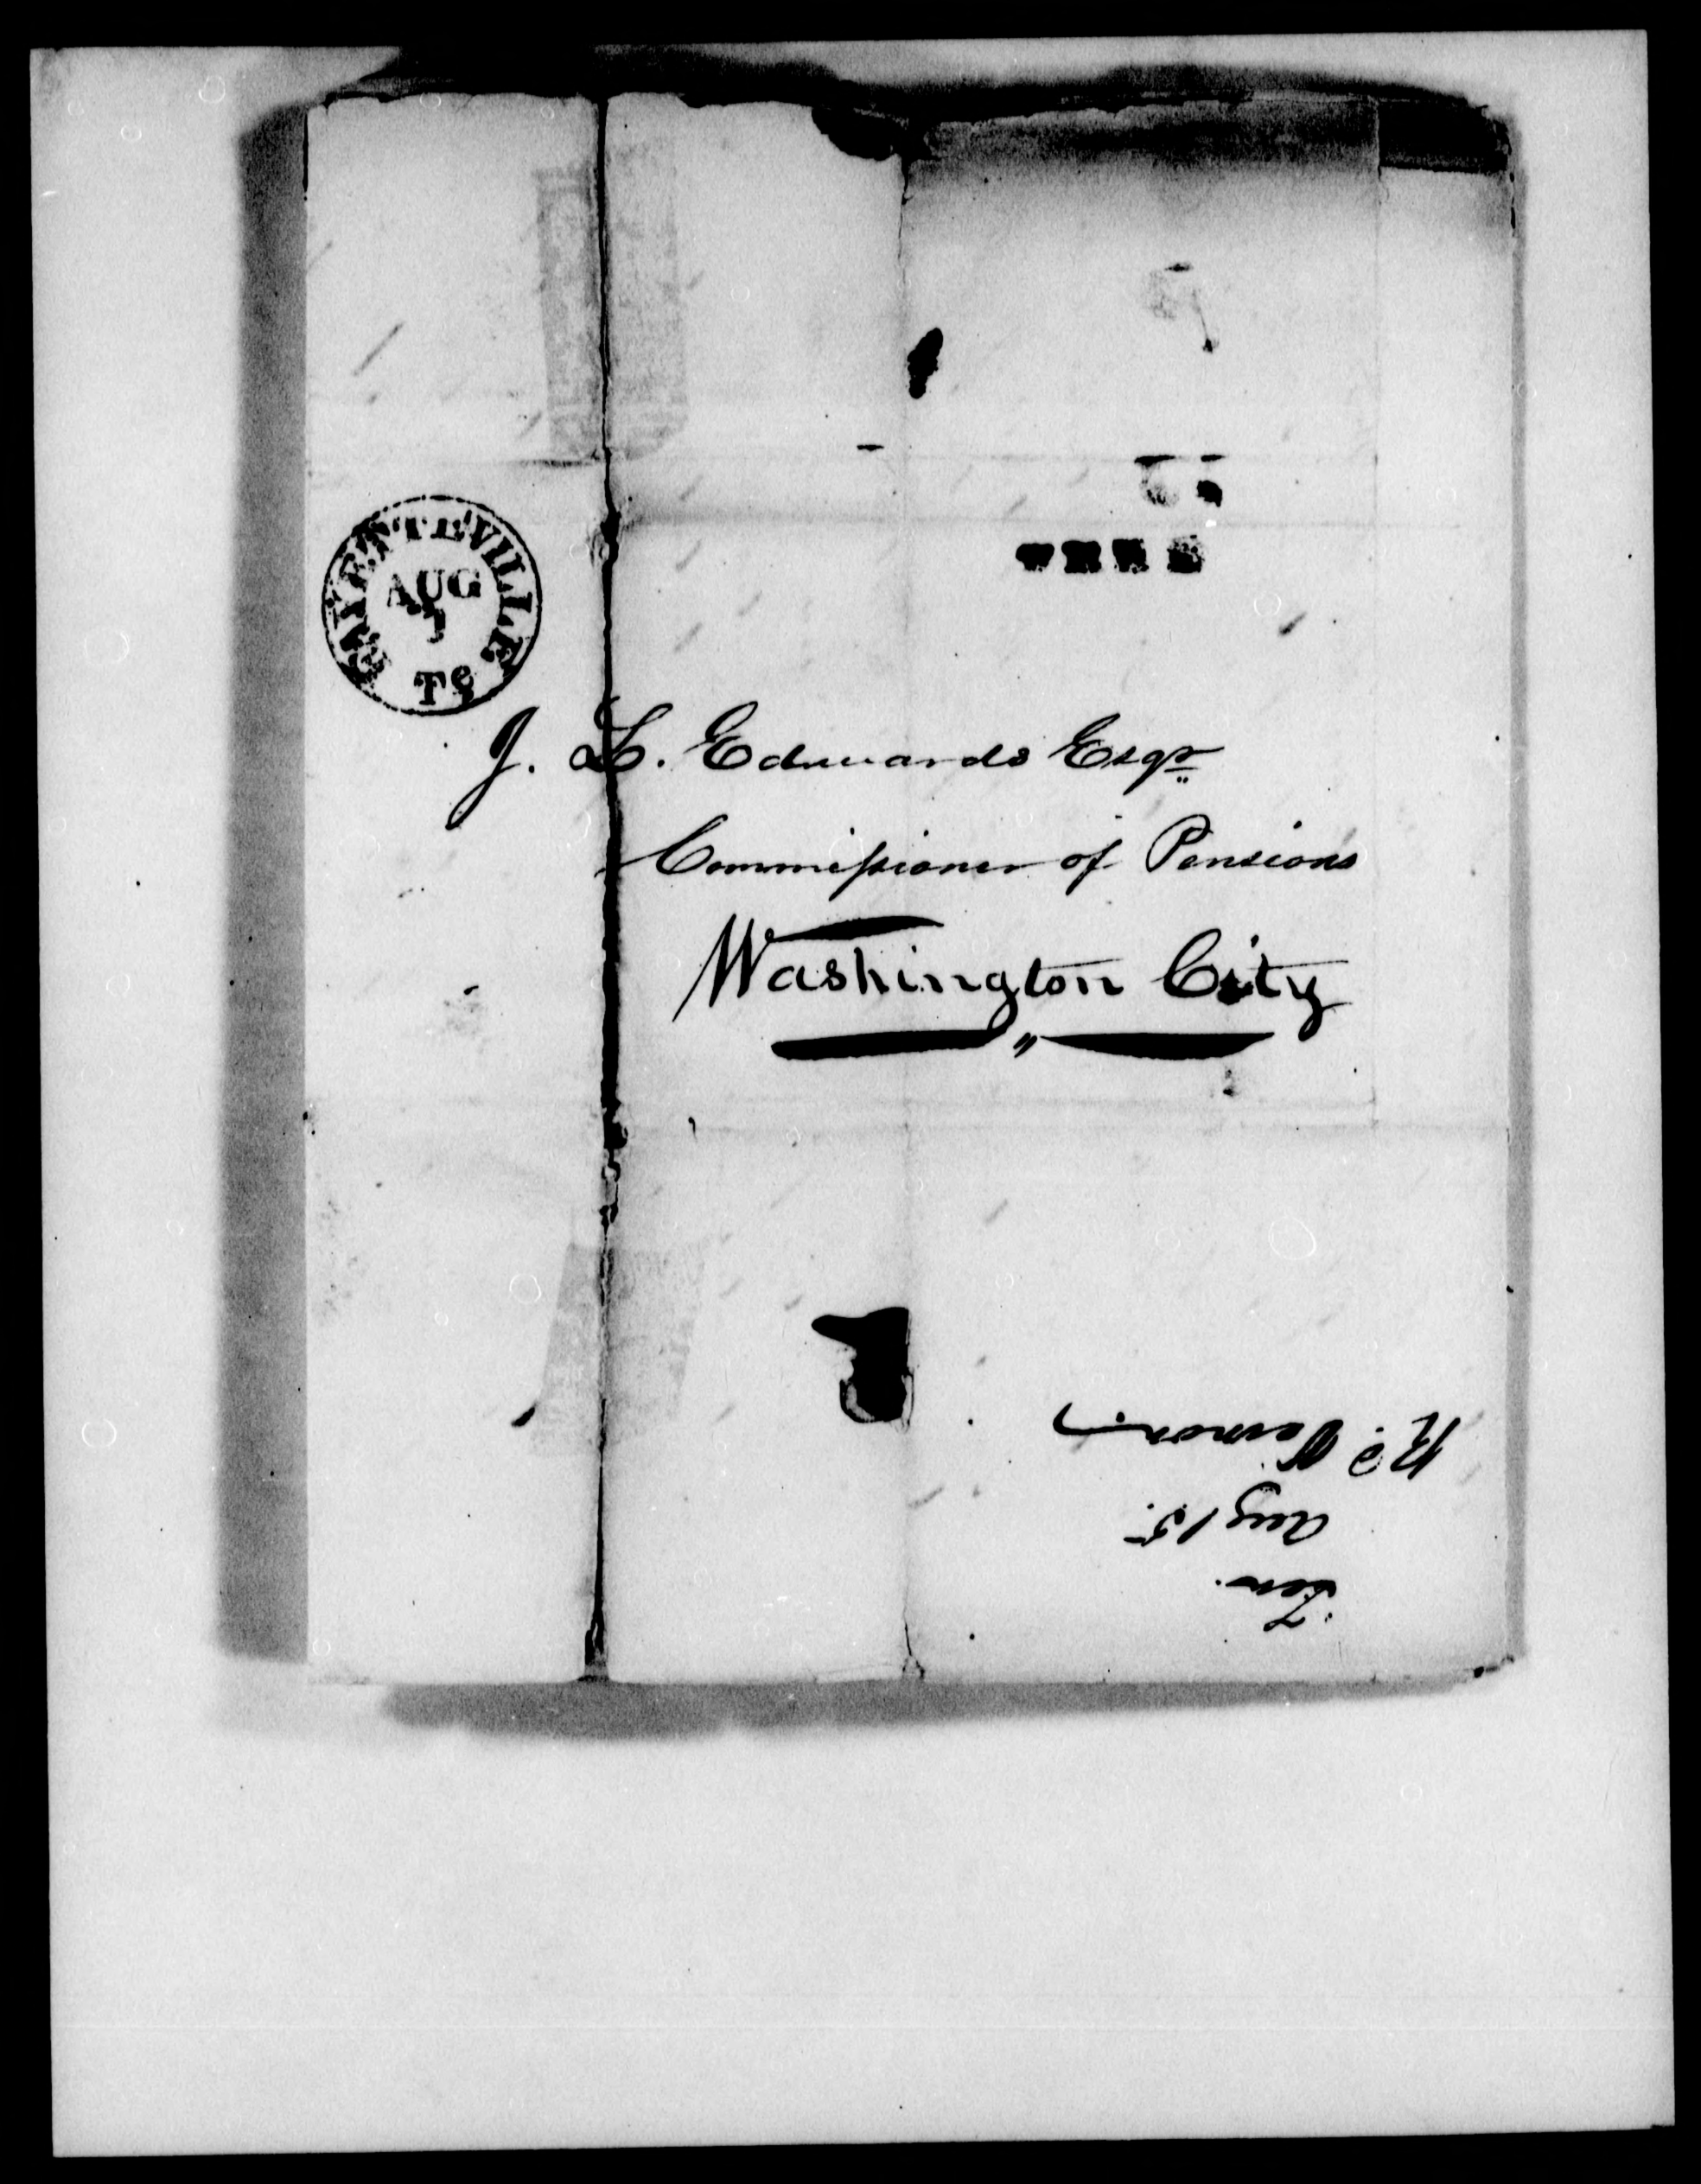[stamped] FAYETTEVILLE Te AUG 
FREE
J. L. Edwards Esqr.
Commissioner of Pensions
Washington City

Ten.
Aug 15
R'd. Vernont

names: J L Edwards, Rd Vernon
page: 80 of 105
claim: survivor's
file: S. 1883, Richard Vernon, N.C.